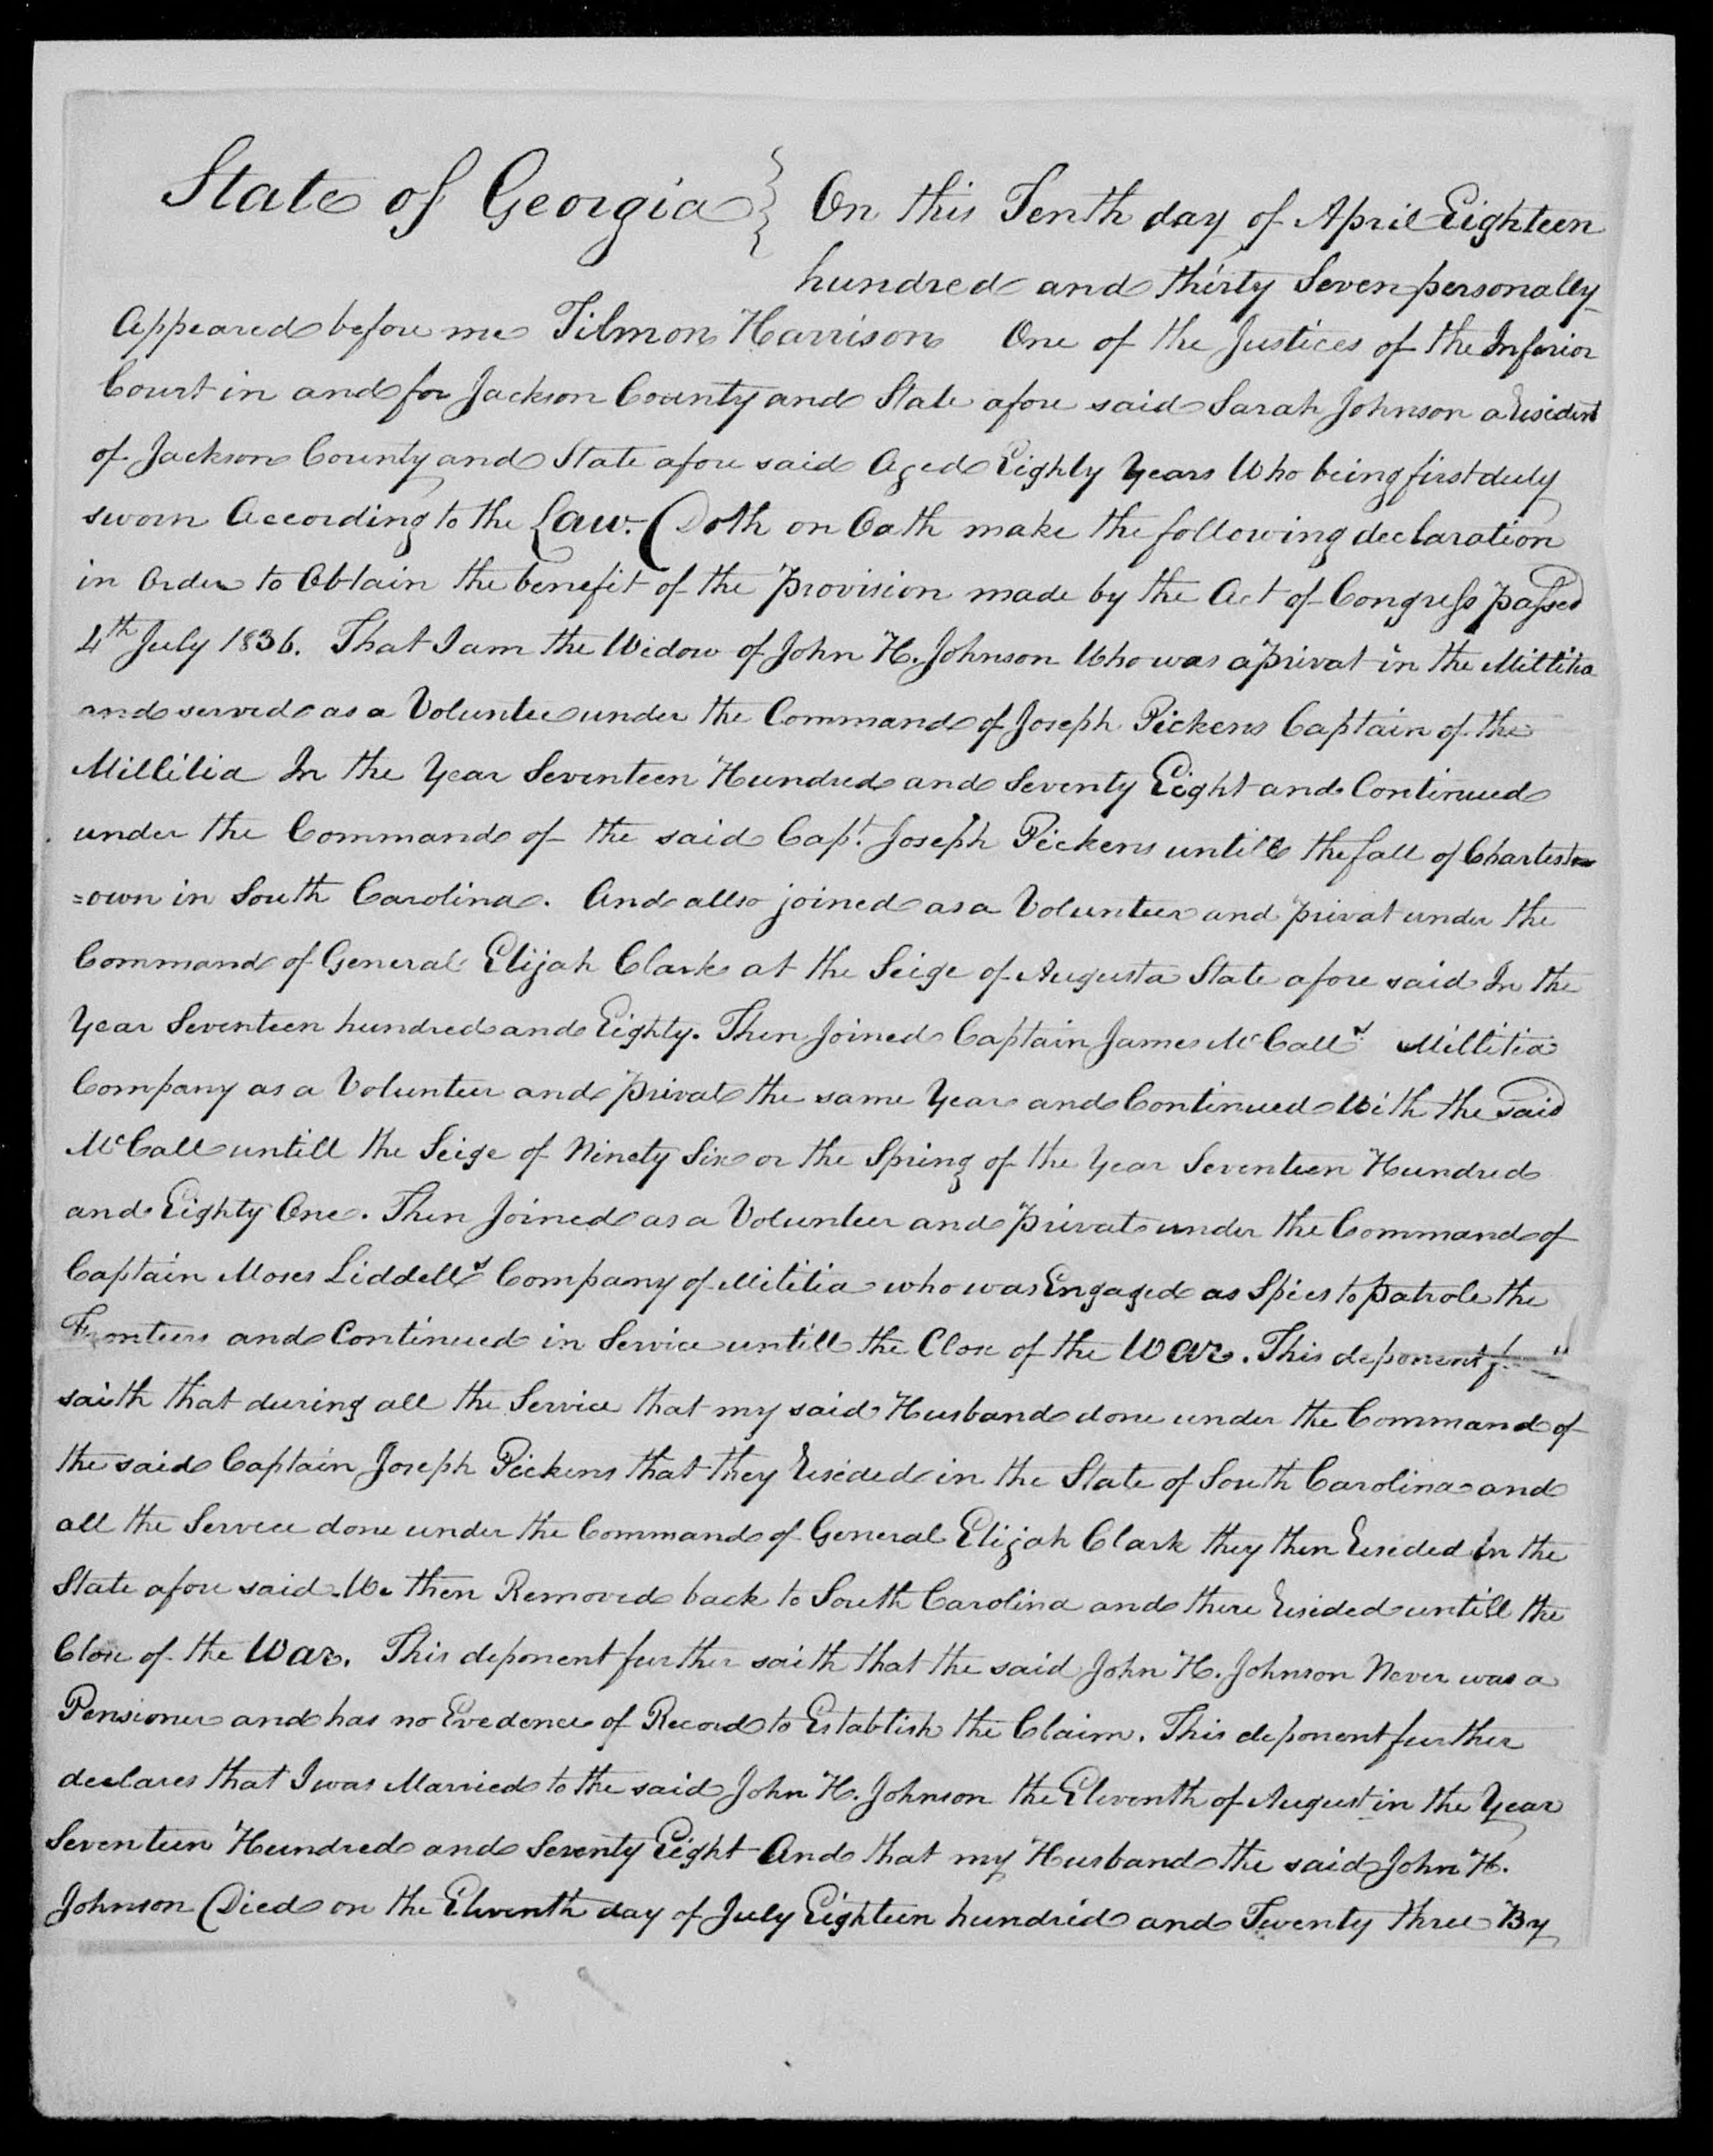State of Georgia { On this Tenth day of April Eighteen hundred and thirty Seven personally
Appeared before me Tilmon Harrison  One of the Justices of the Interior
Court in and for Jackson County and State aforesaid Sarah Johnson a resident
of Jackson County and State aforesaid Aged Eighty Years Who being first duly
sworn According to the Law.  [illegible] on Oath made the following declaration
in Order to Obtain the benefit of the provision made by the Act of Congress passed
4th July 1836. That I am the Widow of John H. Johnson Who was a privat in the Militia
and served as a Volunteer under the Command of Joseph Pickens Captain of the
Militia In the Year Seventeel Hundred and Seventy Eight and Continued
under the Command of the said Capt. Joseph Pickens until the fall of Charleston
town in South Carolina.  And also joined as a Volunteer and privat under the 
Command of General Elijah Clarke at the Seige of Augusta State aforesaid In the
Year Seventeen hundred and Eighty. Then joined Captain James McCall Militia
Company as a Volunteer and private the same year and continued with the said 
McCall until the Seige of Ninety Six or the Spring of the Year Seventeen Hundred
and Eighty One. Then Joined as a Volunteer and private under the Command of
Captain Moses Liddell Company of Militia who was Engaged as Spies to patrol the
Frontiers and Continued in Service until the Close of the War.  This deponent
saith that during all the Service that my said Husband done under the Command of 
the said Captain Joseph Pickens that they resided in the State of South Carolina and
all the Service done under the Command of General Elijah Clark they then resided in the
State aforesaid. We then Removed back to South Carolina and there resided until the
Close of the War.  This deponent further saith that the said John H. Johnson Never was a
Pensioner and has no Evidence of Records to Establish the Claim. This deponent further
declares that I was Married to the said John H. Johnson the Eleventh of August in the Year
Seventeen Hundred and Seventy Eight And that my Husband the said John H 
Johnson Died on the Eleventh day of July Eighteen hundred and Seventy three by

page: 3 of 26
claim: widow's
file: W. 4464, for John H Johnson, Georgia